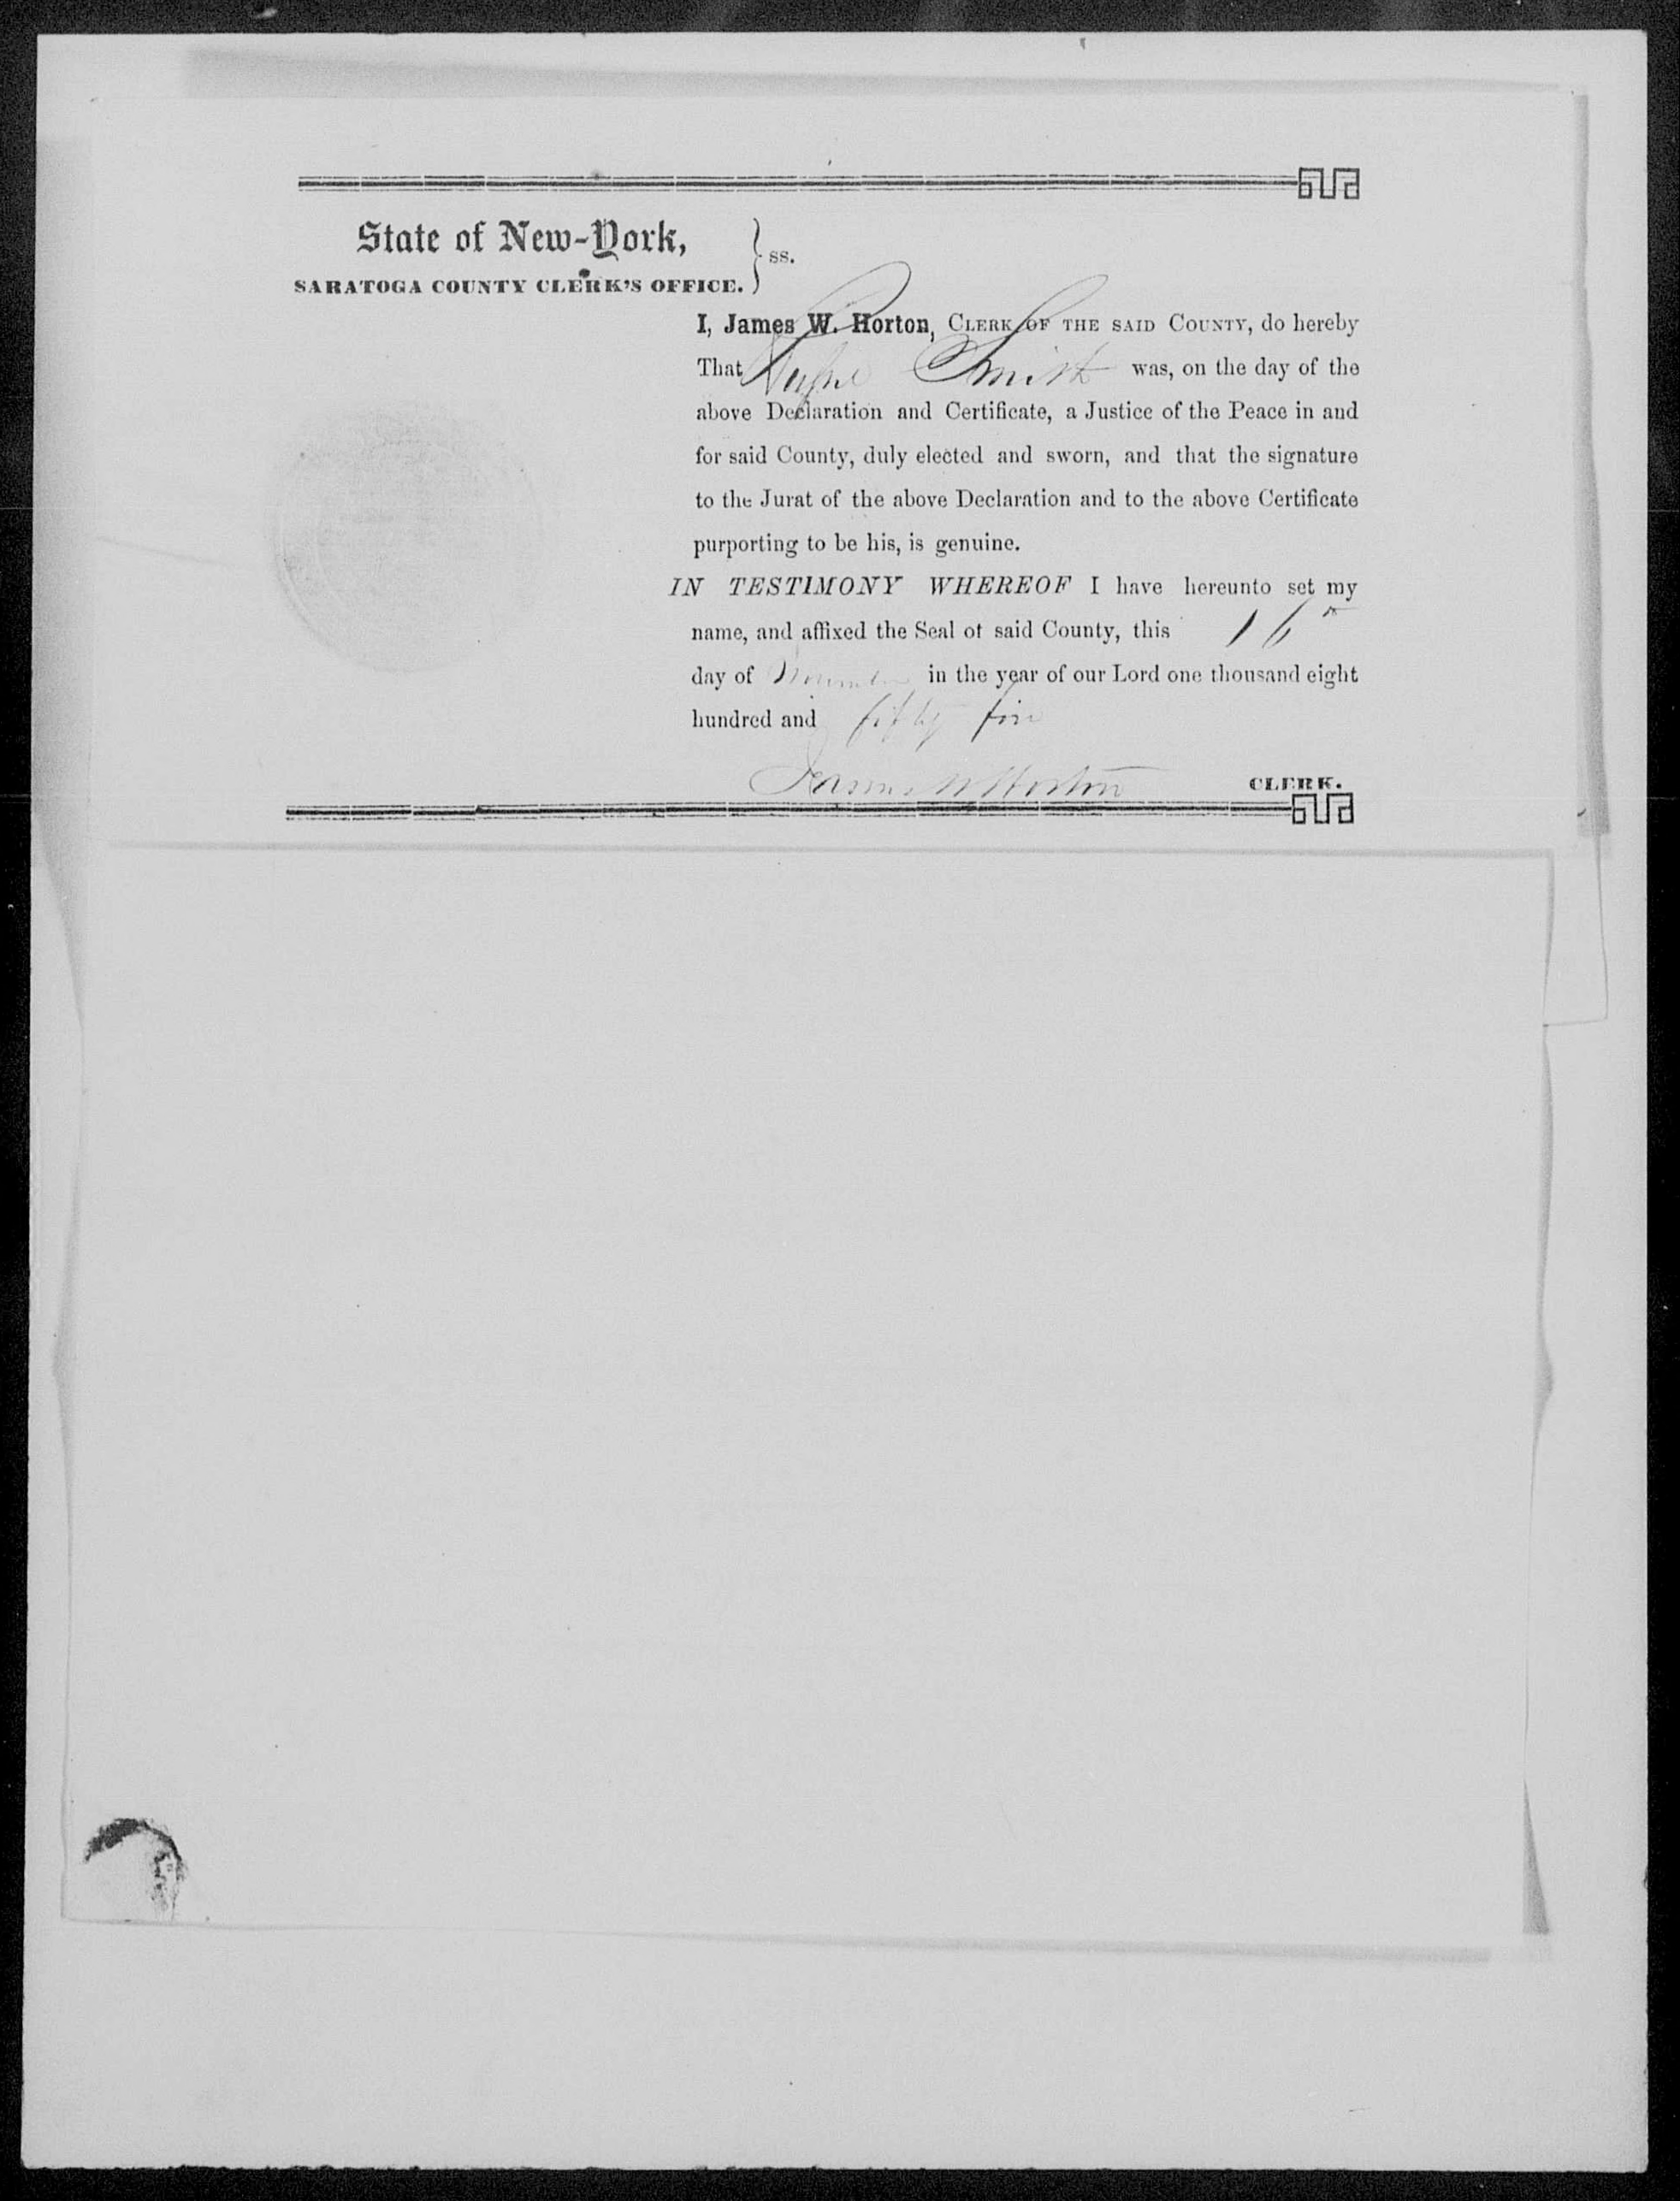State of New York,
SARATOGA COUNTA CLERK’S OFFICE.}SS.
I, James W. Horton, CLERK OF THE SAID COUNTY, do hereby That Russel Smith was, on the day of above Declaration and Certificate, a Justice of the Peace in and for said County, duly elected and sworn, and that the signature to the Jurat of the above Declaration and to the above Certificate purporting to be his, is genuine.
IN TESTIMONY WHEREOF I have hereunto set my name, and affixed the Seal of said County, this 16th day of November in the year of our Lord one thousand eight hundred and fifty five
James Horton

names: James W Horton, James W Horton, Russel Smith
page: 9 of 56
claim: survivor's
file: S. 40,055, Samuel Downing, N.H.